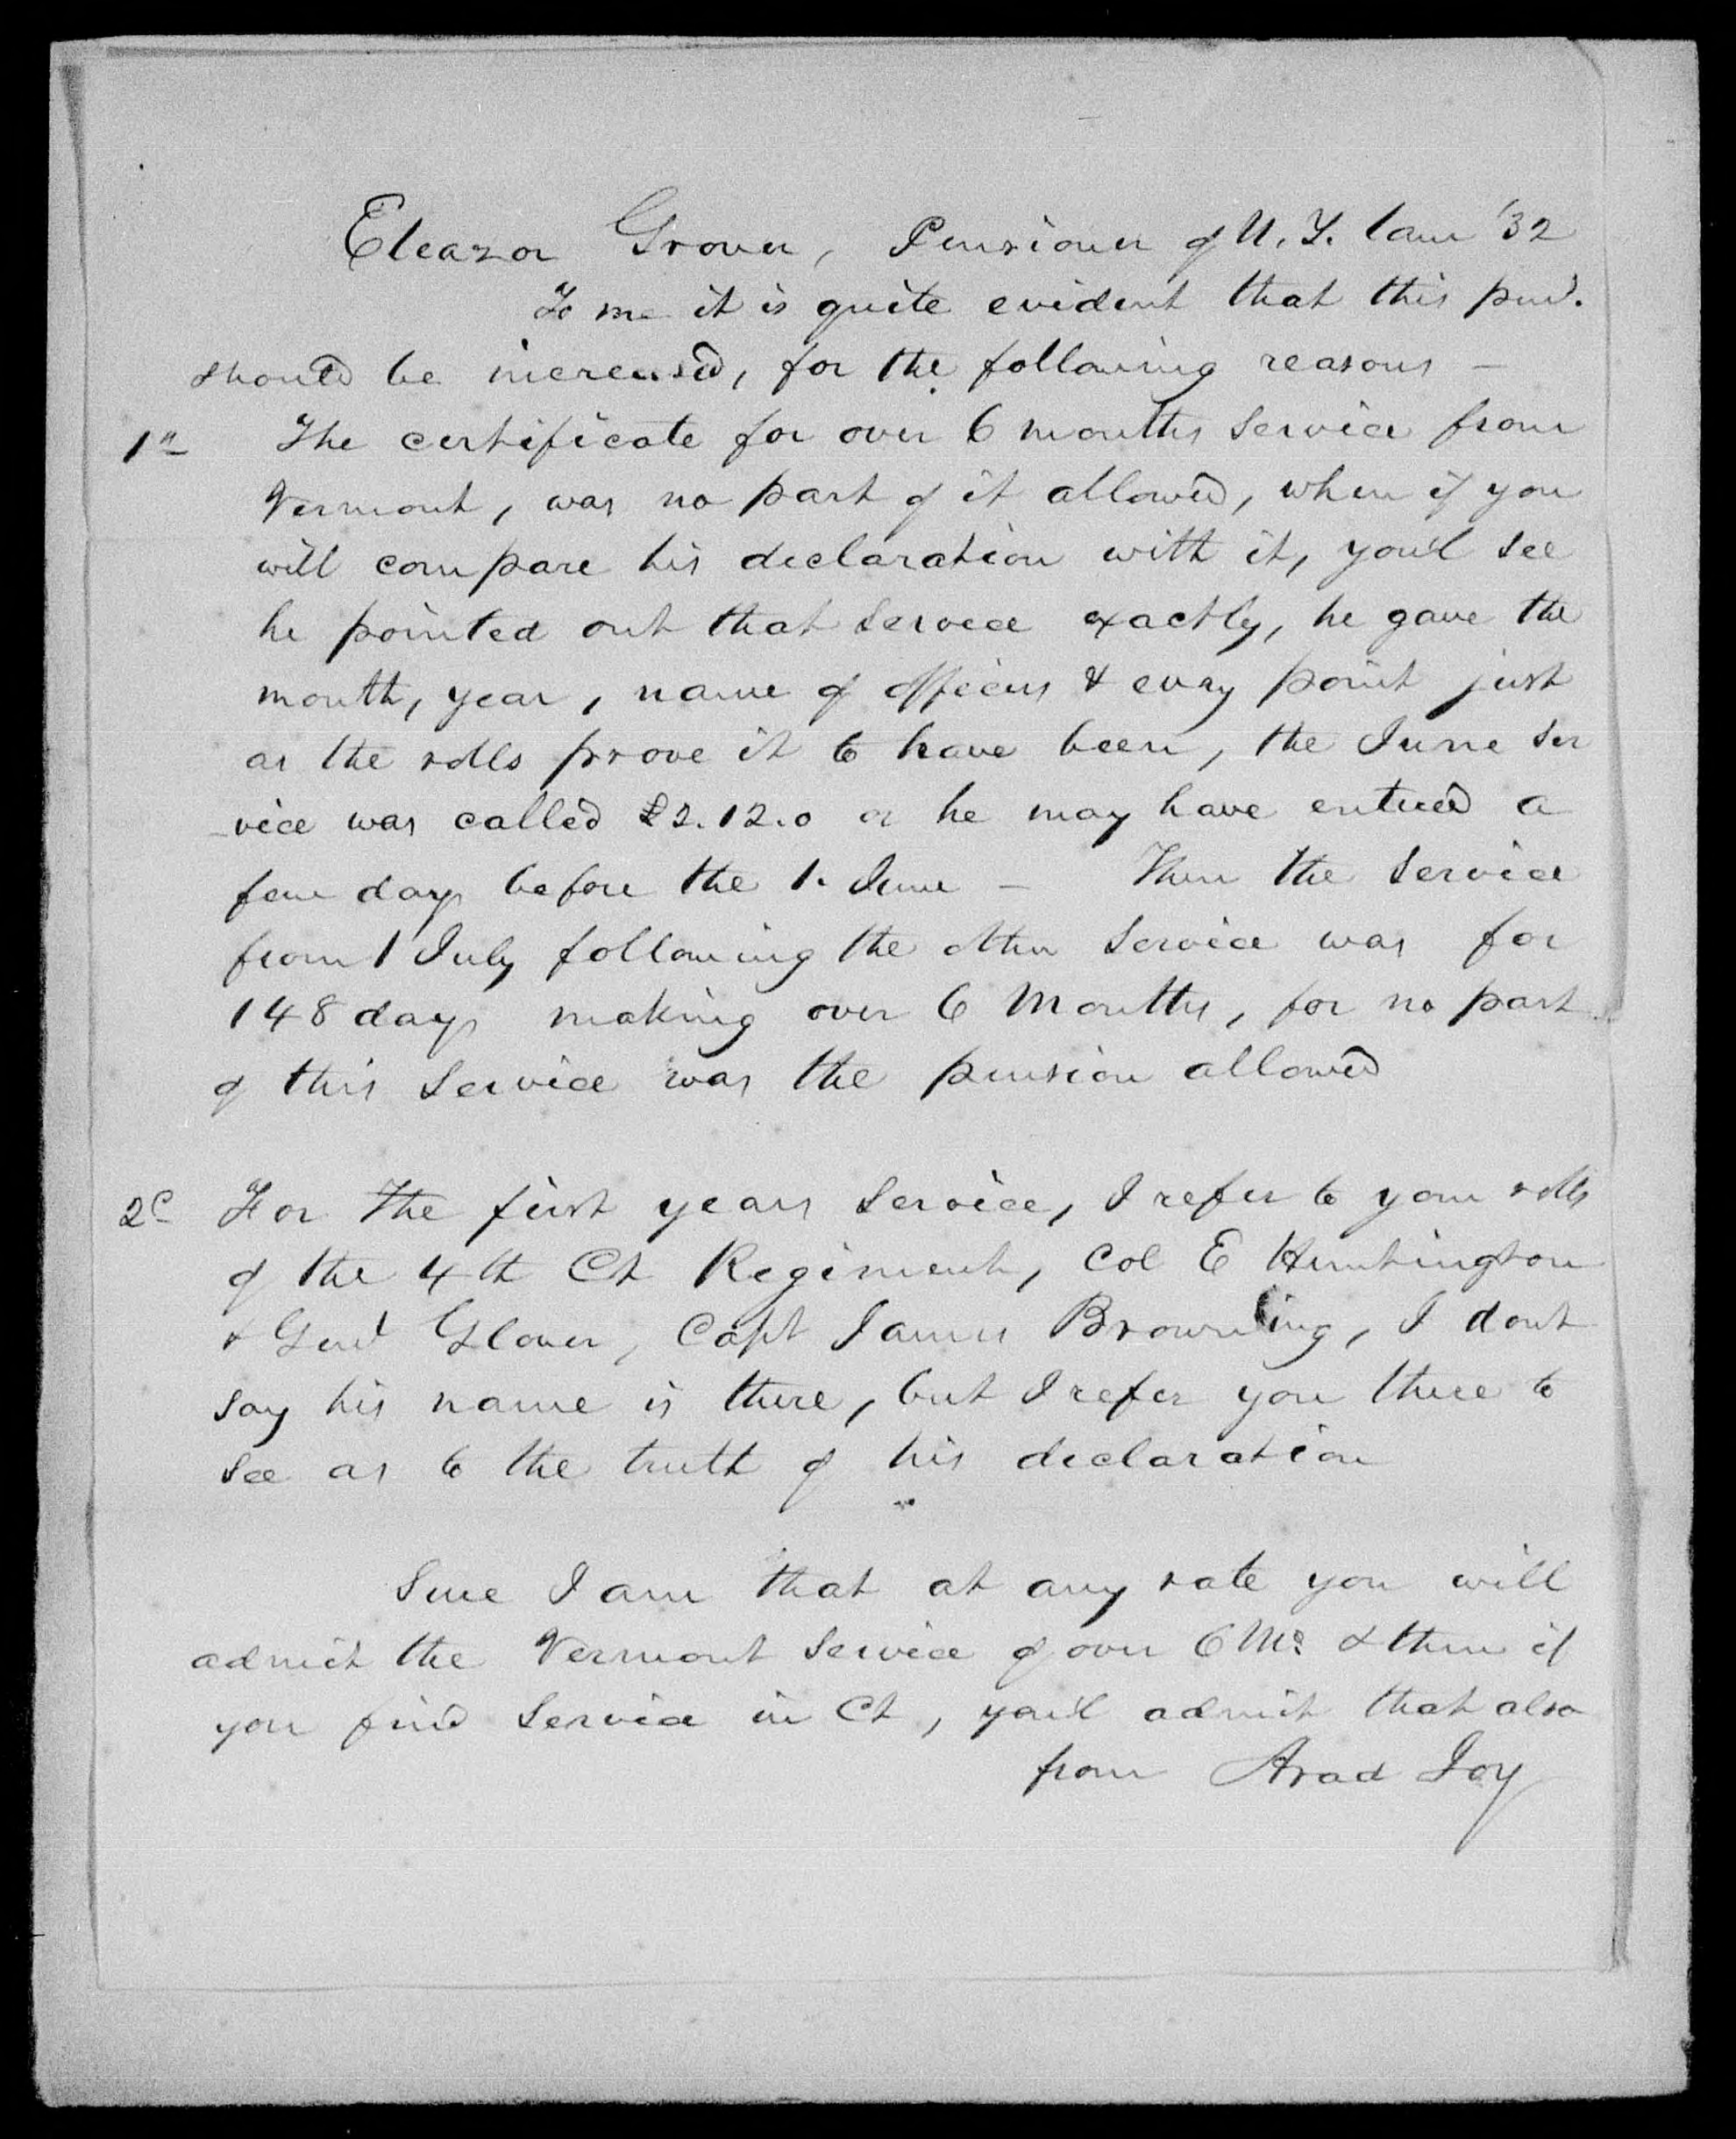Eleazer Grover, Pensioner of U.S. law '32 
To me it is quite evident that this pens. should be increased, for the following reasons - 
1" The certificate for over 6 months service from Vermont, was no part of it allowed, when if you will compare his declaration with it, you'll see he pointed out that service exactly, he gave the month, year, name of officers & every point just as the rolls prove it to have been, the June service was called £2.12.0 or you may have entered a few days before the 1. June  - Then the Service from 1 July following the other Service was for 148 days making over 6 Months, for no part of this Service was the pension allowed.
2d For the first years Service, I refer to your rolls of the 4th Ct. Regiment, Col. E. Huntington & Gen Glover, Capt James Browning, I don't say his name is there, but I refer you there to see as to the truth of his declaration
Sure I am that at any rate you will admit the Vermont Service of over 6 Mo & there is you find Service in Ct., you'd admit that also from Arad Joy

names: Eleazor Grover, Arad Joy, James Browning, E Huntington, Glover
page: 41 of 43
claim: survivor's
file: S. 28748, Eleazer Grover, Continental Mass. Vt.